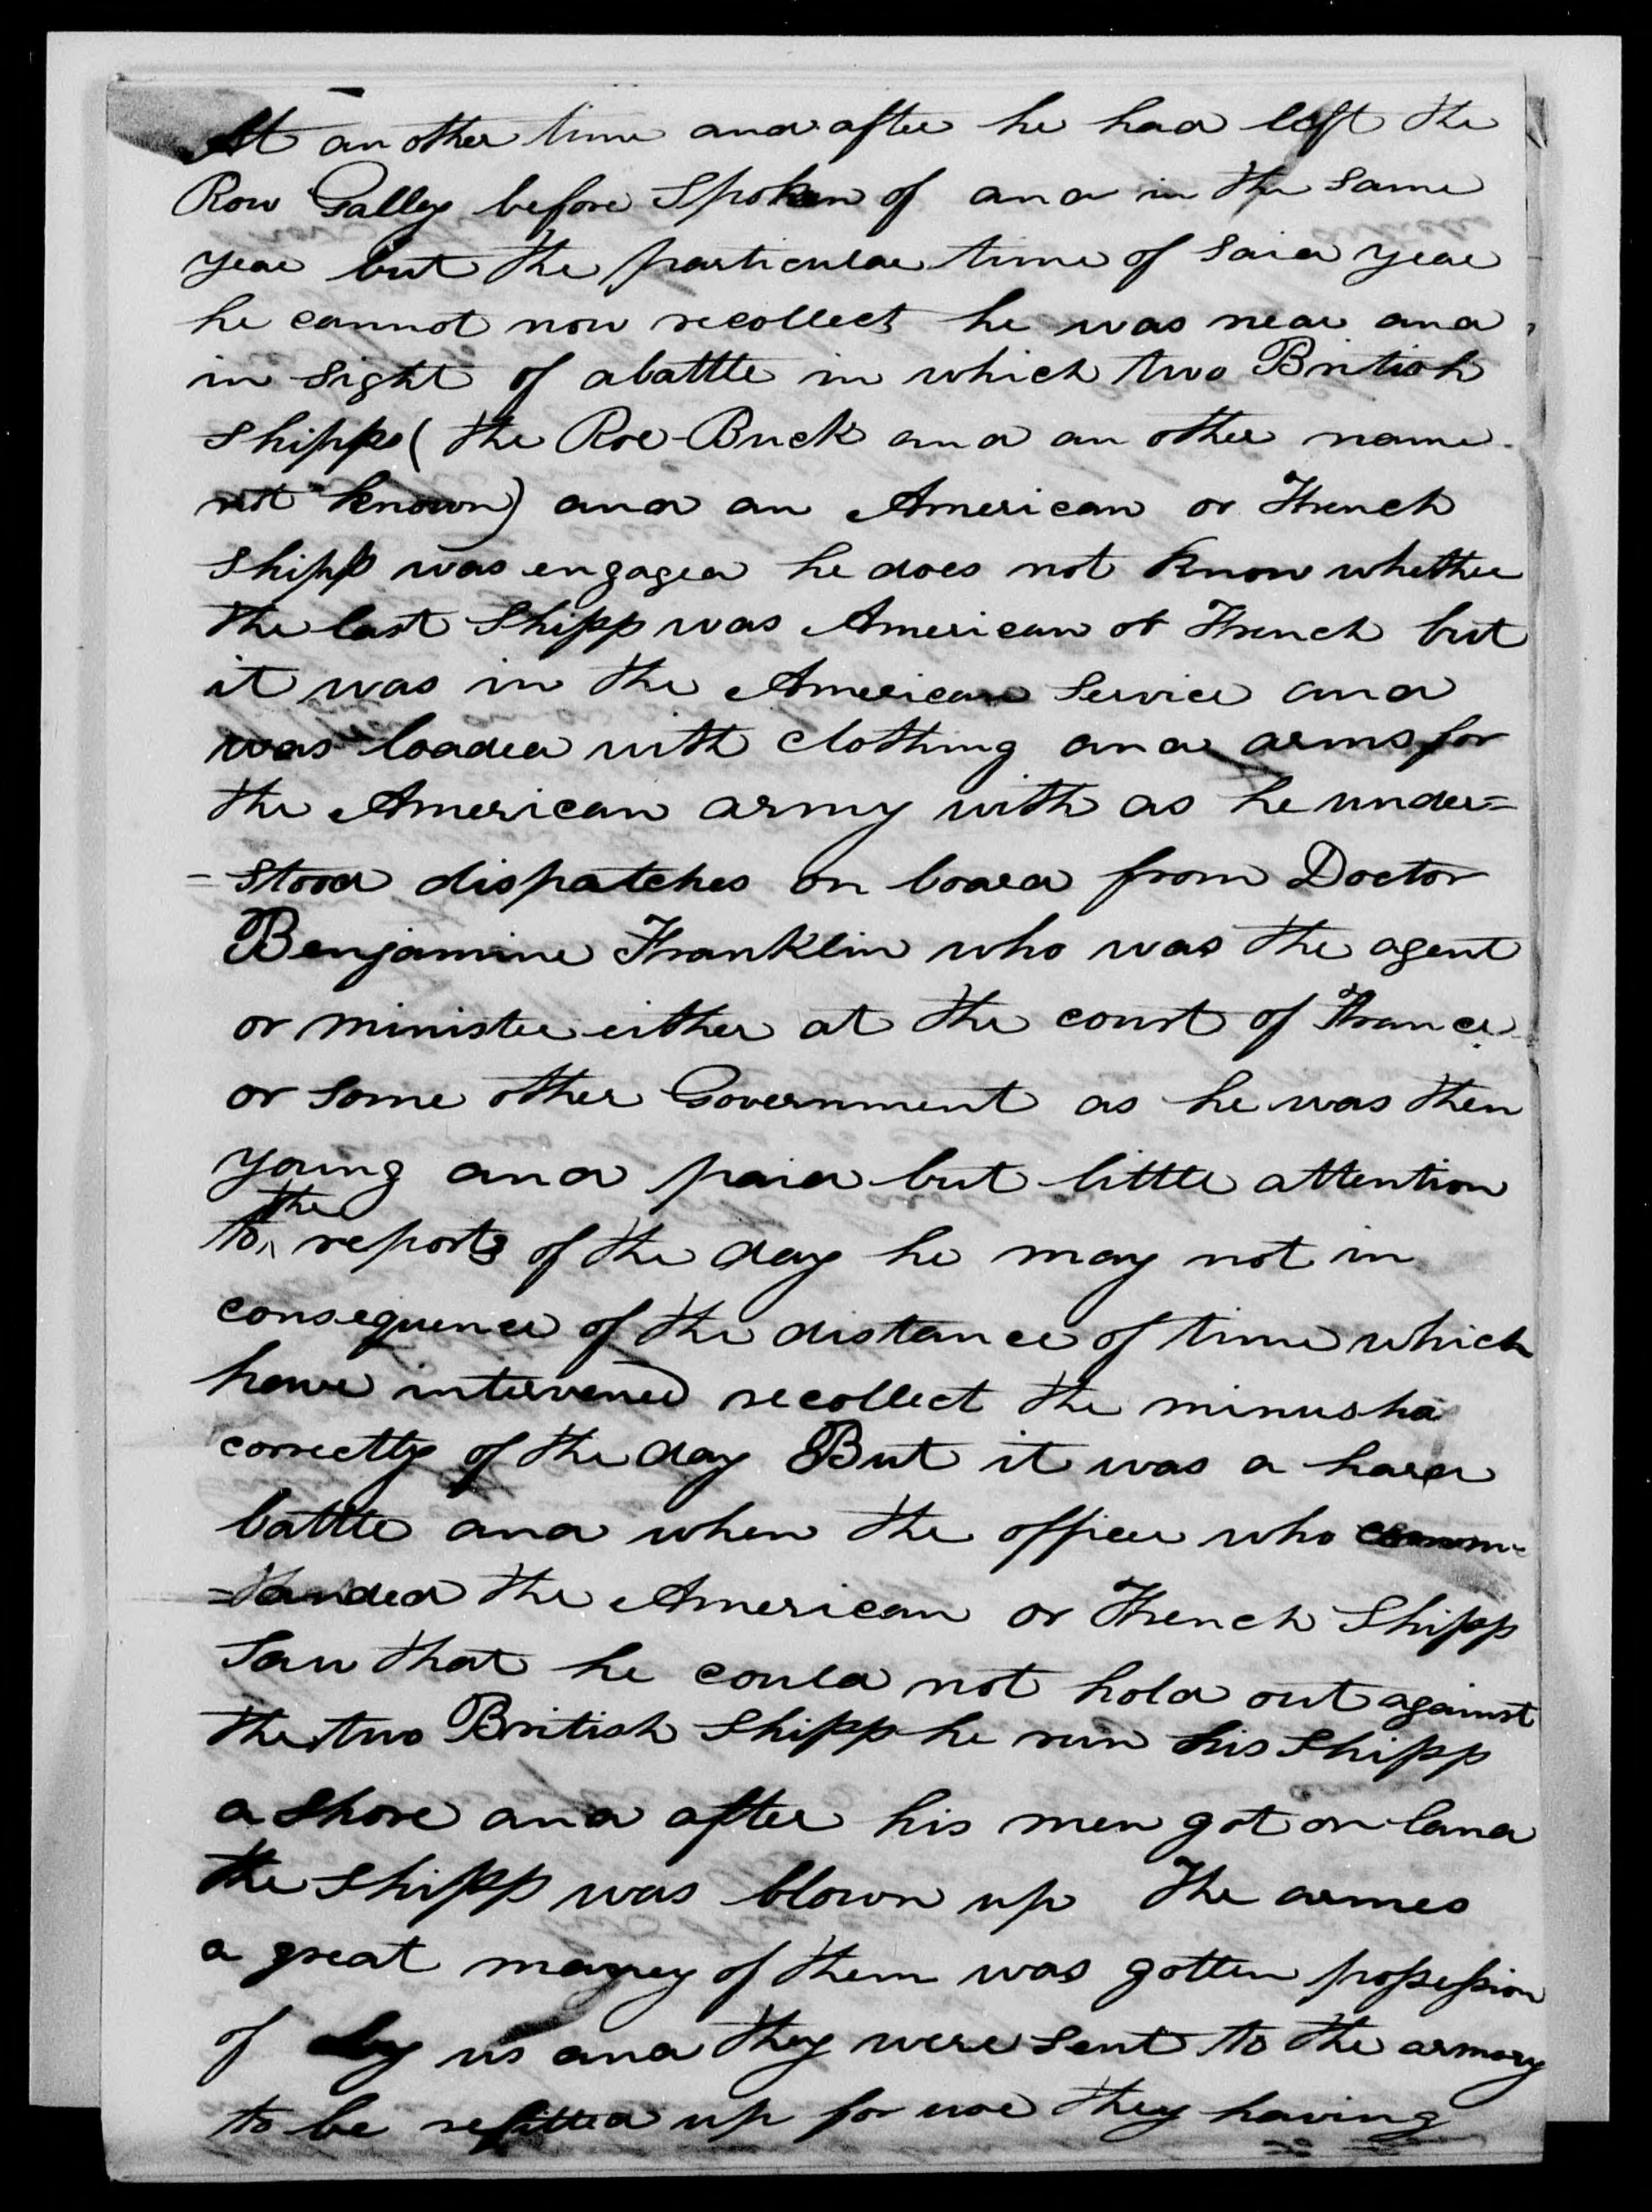At another time and after he had left the Row Galley before spoken of and in the same year but the particular time of said year he cannot now recollect he was near and in sight of a battle in which two British ships (the Roe-Bucks and an other name not known) and an American or French ship was engaged he does not know what the last ship was, American or French but it was in the Americans service and was loaded with clothing and arms for the American army with as he understood dispatches on board from Doctor Benjamin Franklin who was the agent or minister either at the court of France or some other government as he was then young and paid but little attention to the reports of the day he may not in consequence of teh distance of time which have intervened recollect the minutia correctly of the day.  But it was a hard battle and when the officer who commanded the American or French ship saw that he could not hold out against the two British ships he run his ship on shore and after his men got on land the ship was blown up. The arms, a great many of them was gotten possession of by us and they were sent to the armory to be refitted up for use they having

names: Benjamin Franklin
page: 8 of 25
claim: survivor's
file: S. 13789, for Samuel Lockwood, Delaware